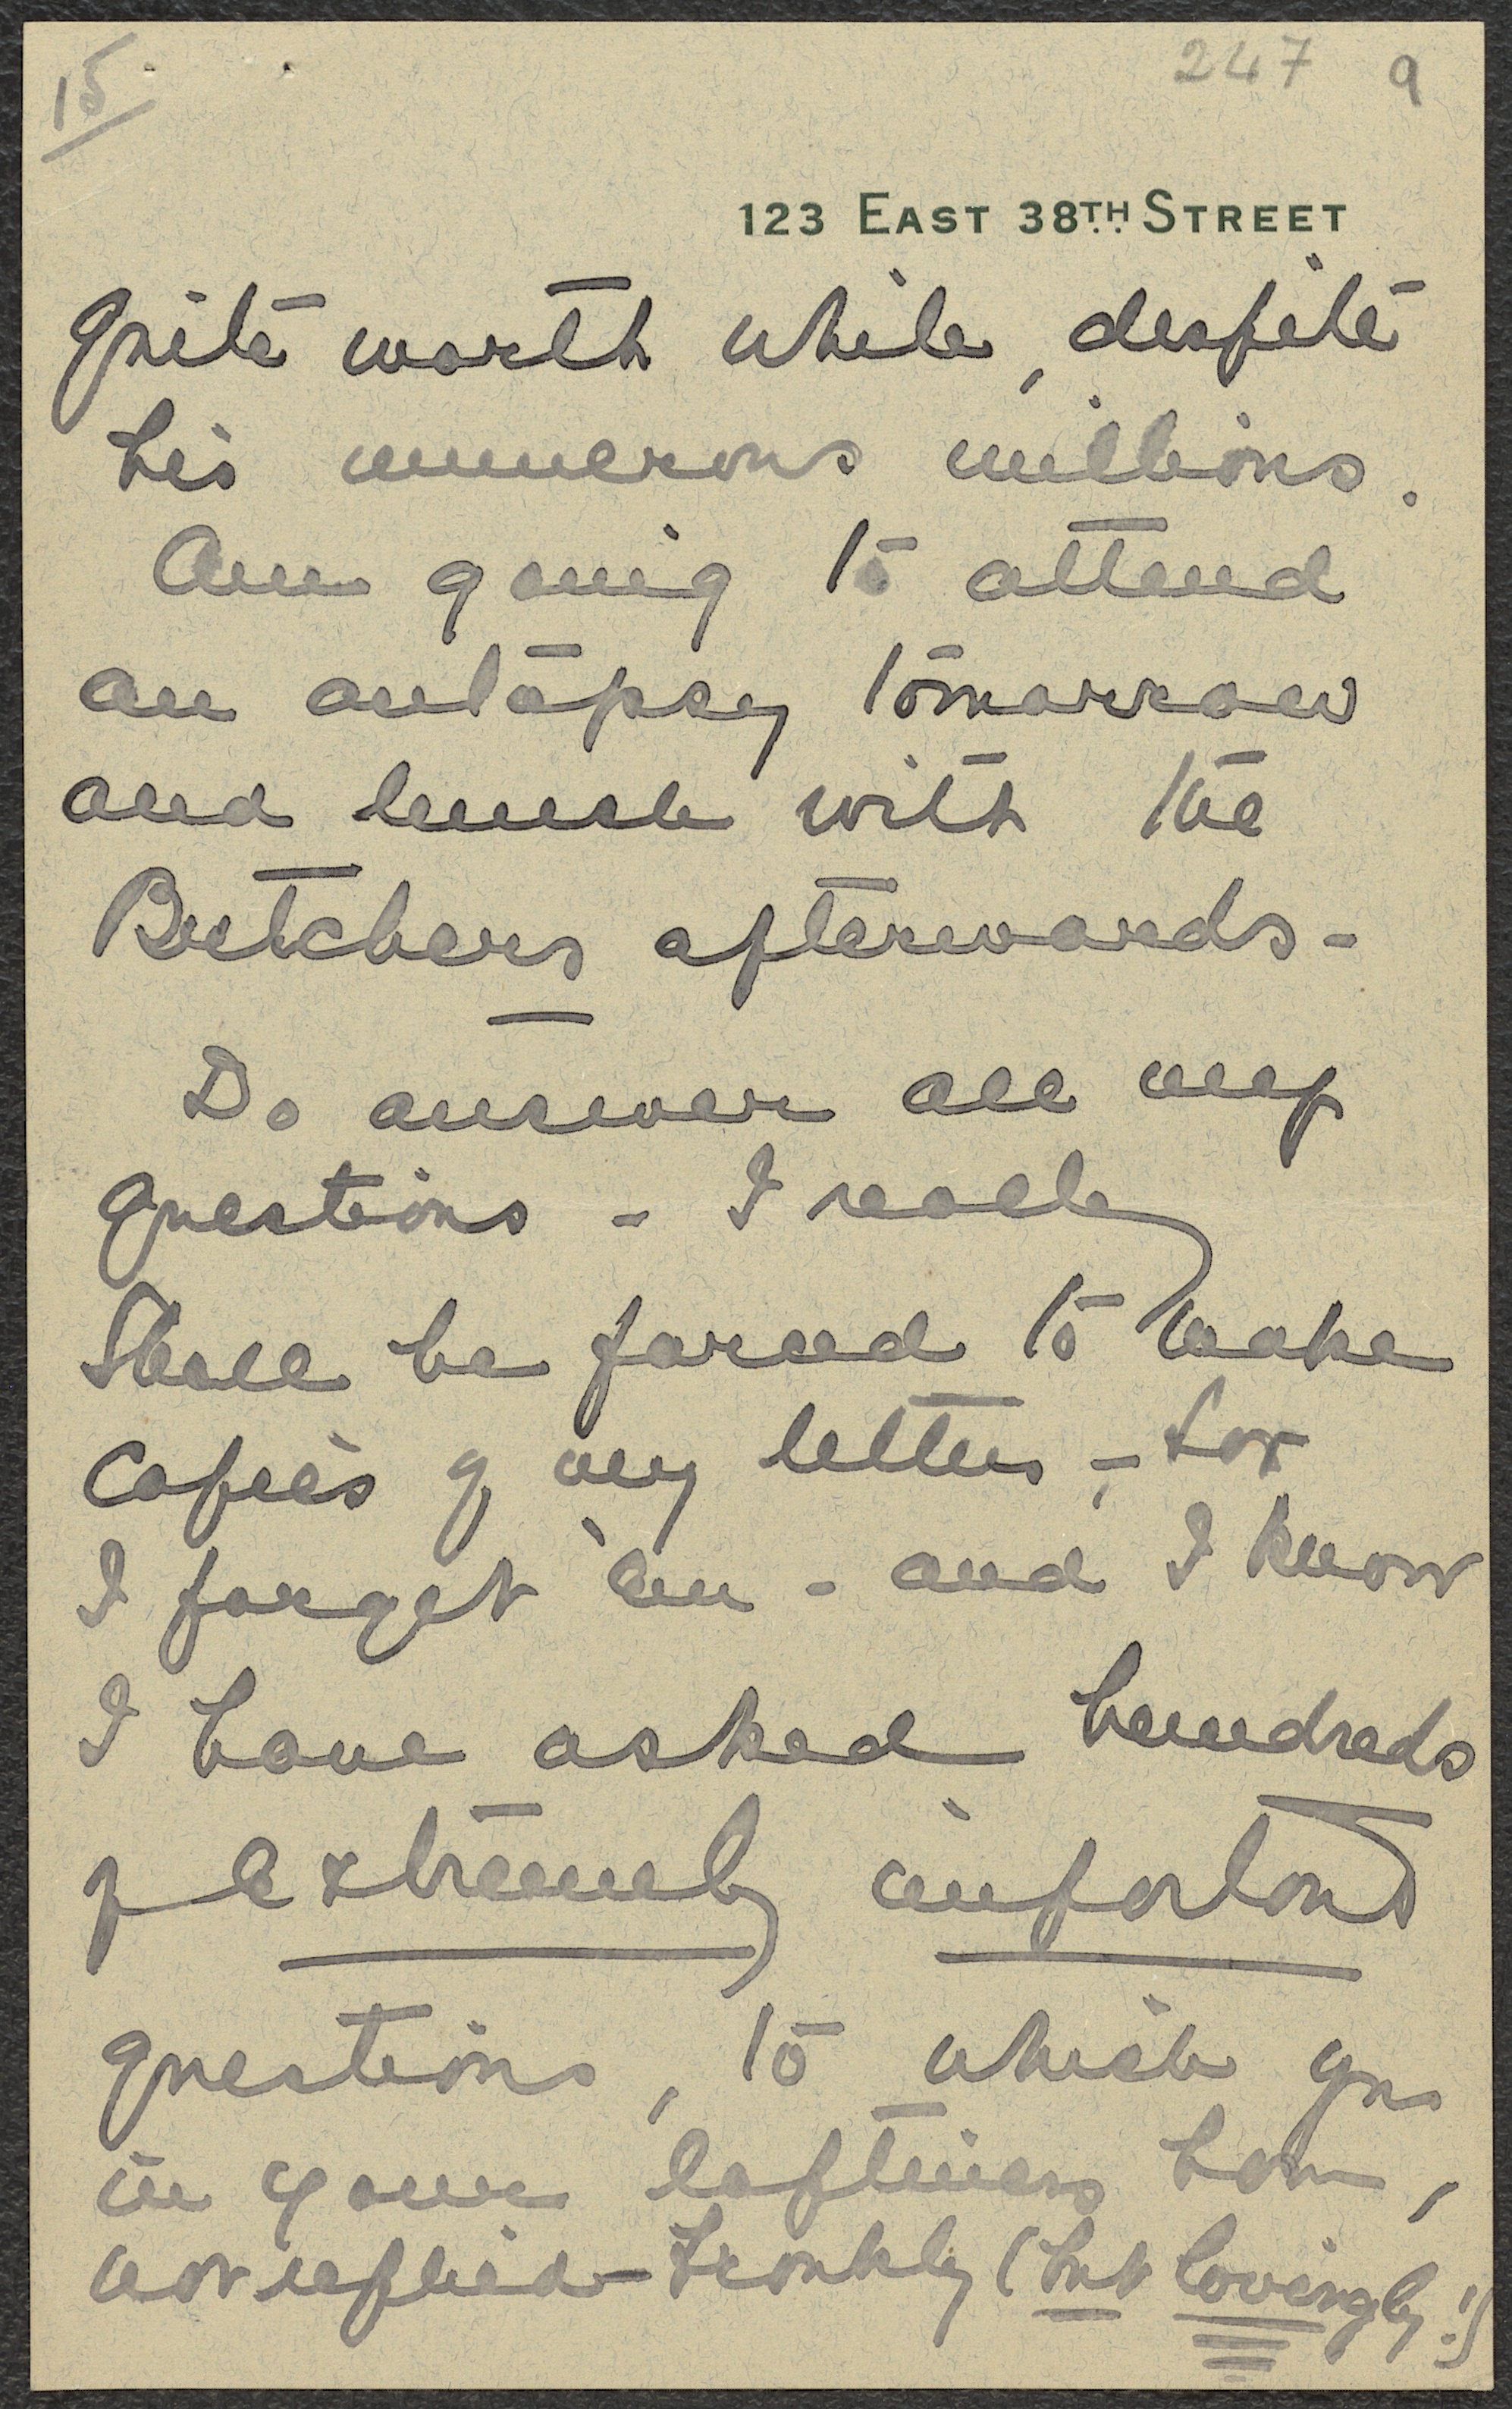15/
quite worth while, despite his numerous millions. Am going to attend an autopsy tomorrow and lunch with the Butchers afterwards –
Do answer all my questions – I really shall be forced to make copies of my letters – for I forget ‘em – and I know I have asked hundreds of extremely important questions, to which you in your loftiness have, not replied – frankly (but [quadruple underlined: lovingly]!)